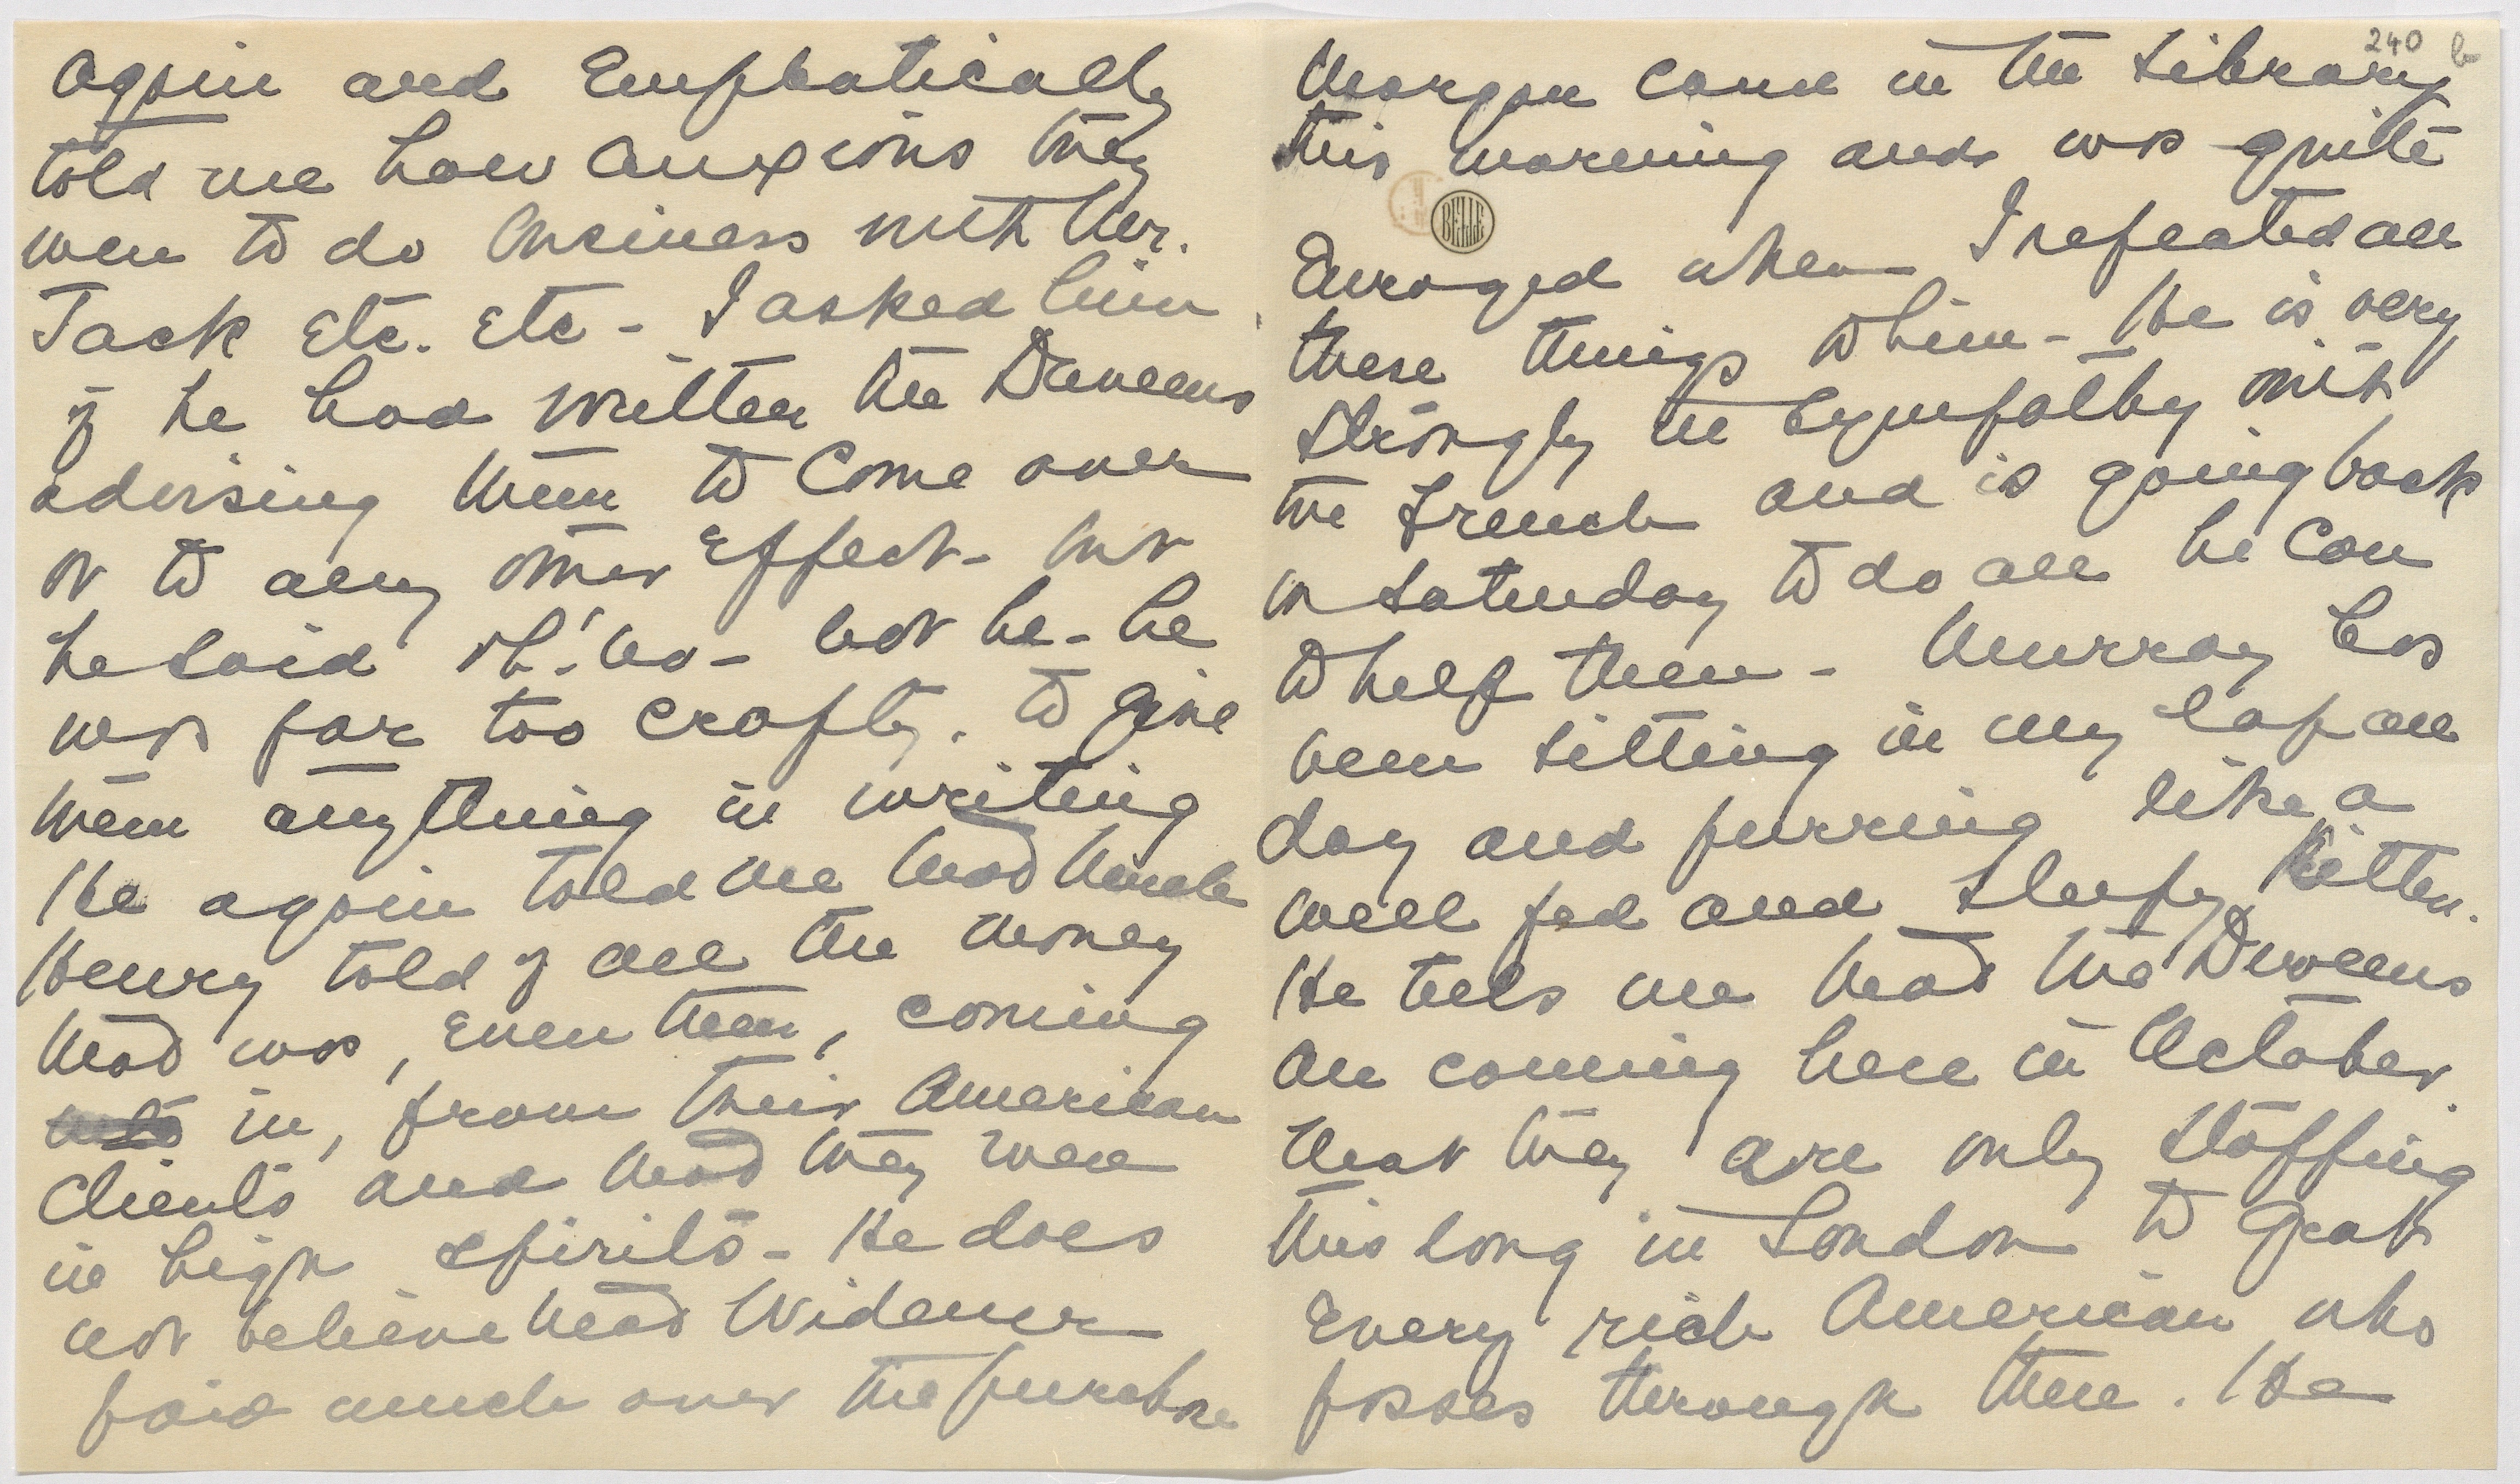Morgan came in the Library this morning and was quite enraged when I repeated all these things to him – He is very strongly in sympathy with the French and is going back on Saturday to do all he can to help them – Murray has been sitting in my lap all day and purring like a well fed and sleepy kitten. He tells me that the Duveens are coming here in October. That they are only stopping this long in London to grab every rich American who passes through there. He
again and emphatically told me how anxious they were to do business with Mr. Jack etc. etc – I asked him if he had written the Duveens advising them to come over or to any other effect – but he said oh! no – not he – he was far too crafty to give them anything in writing
He again told me that Uncle Henry told of all the money that was, even then, coming into in, from their American clients and that they were in high spirits – He does not believe that Widener paid much over the purchase